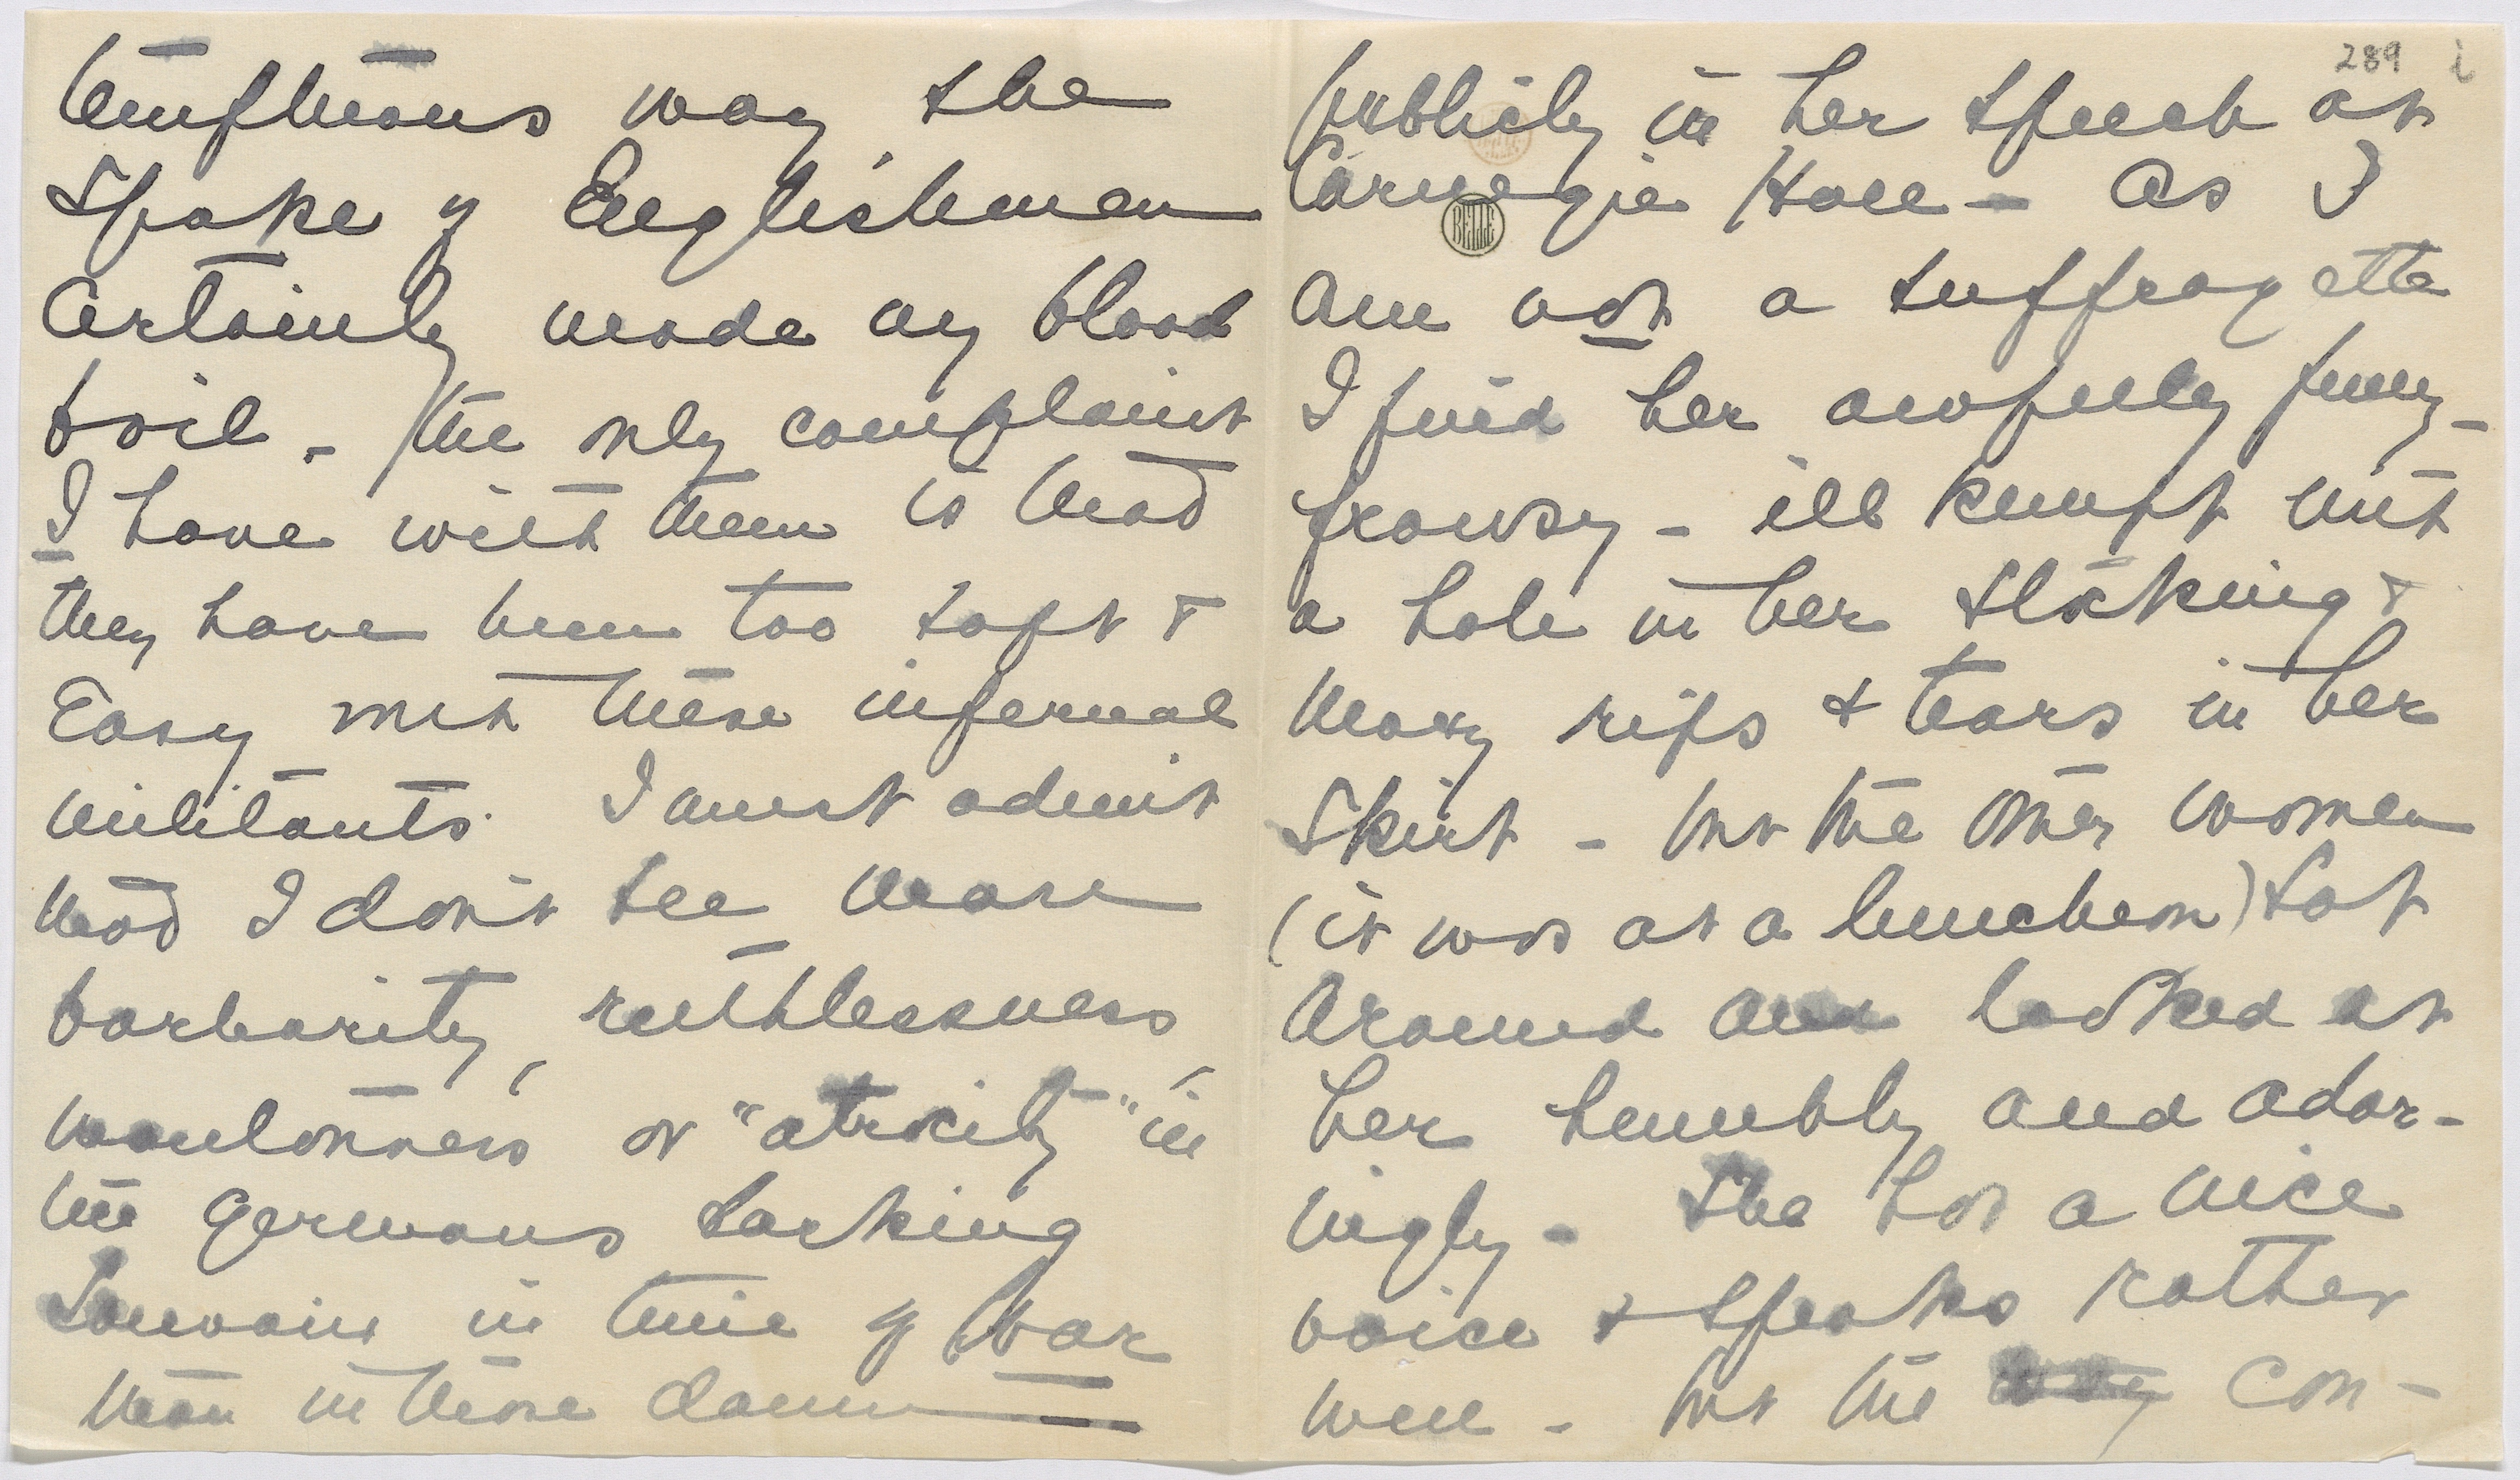publicly in her speech at Carnegie Hall – As I am not a suffragette I find her awfully funny –frowsy – ill kempt with a hole in her stocking & many rips & tears in her skirt – but the other women (it was at a luncheon) sat around and looked at her humbly and adoringly – She has a nice voice & speaks rather well – but the way con-
temptuous way she spoke of Englishmen certainly made my blood boil – the only complaint I have with them is that they have been too soft & easy with these infernal militants. I must admit that I don't see more barbarity, ruthlessness, wantonness or “atrocity” in the Germans sacking Louvain in time of War than in those damn